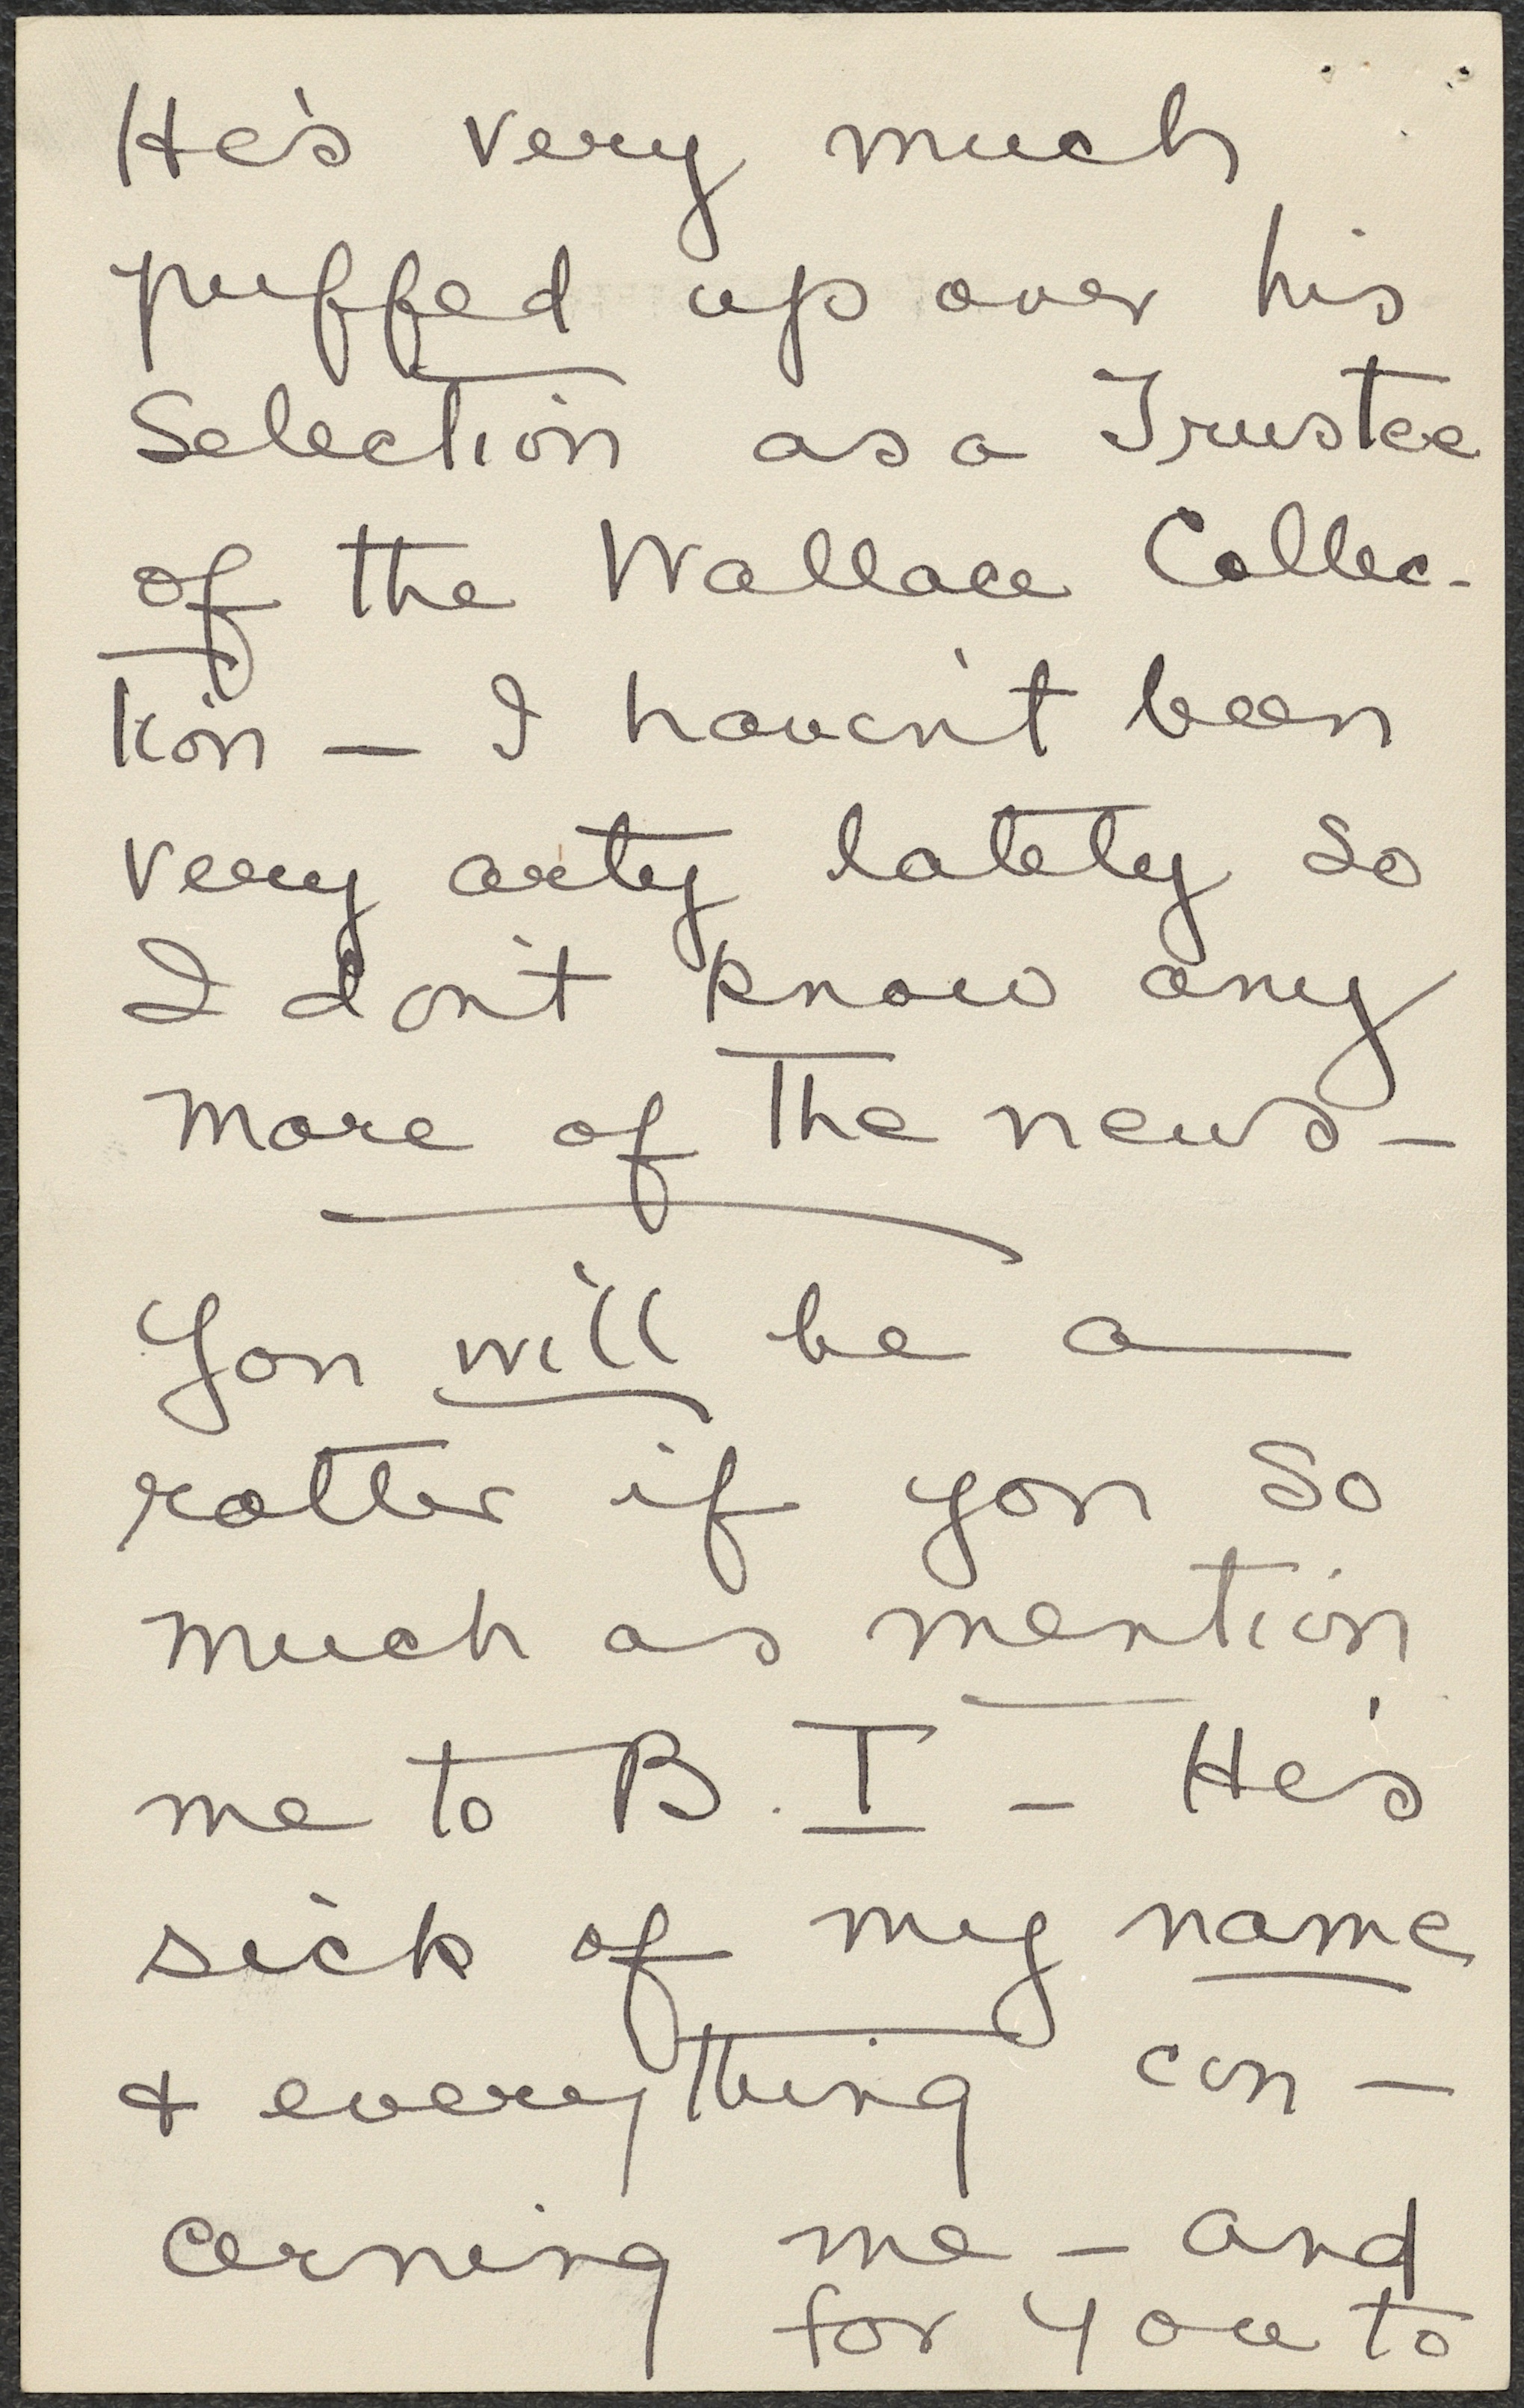He’s very much puffed up over his Selection as a Trustee of the Wallace Collection – I haven’t been very arty lately so I don’t know any more of the news –
You will be a rotter if you so much as mention me to B.I – He’s sick of my name & everything concerning me – and for you to